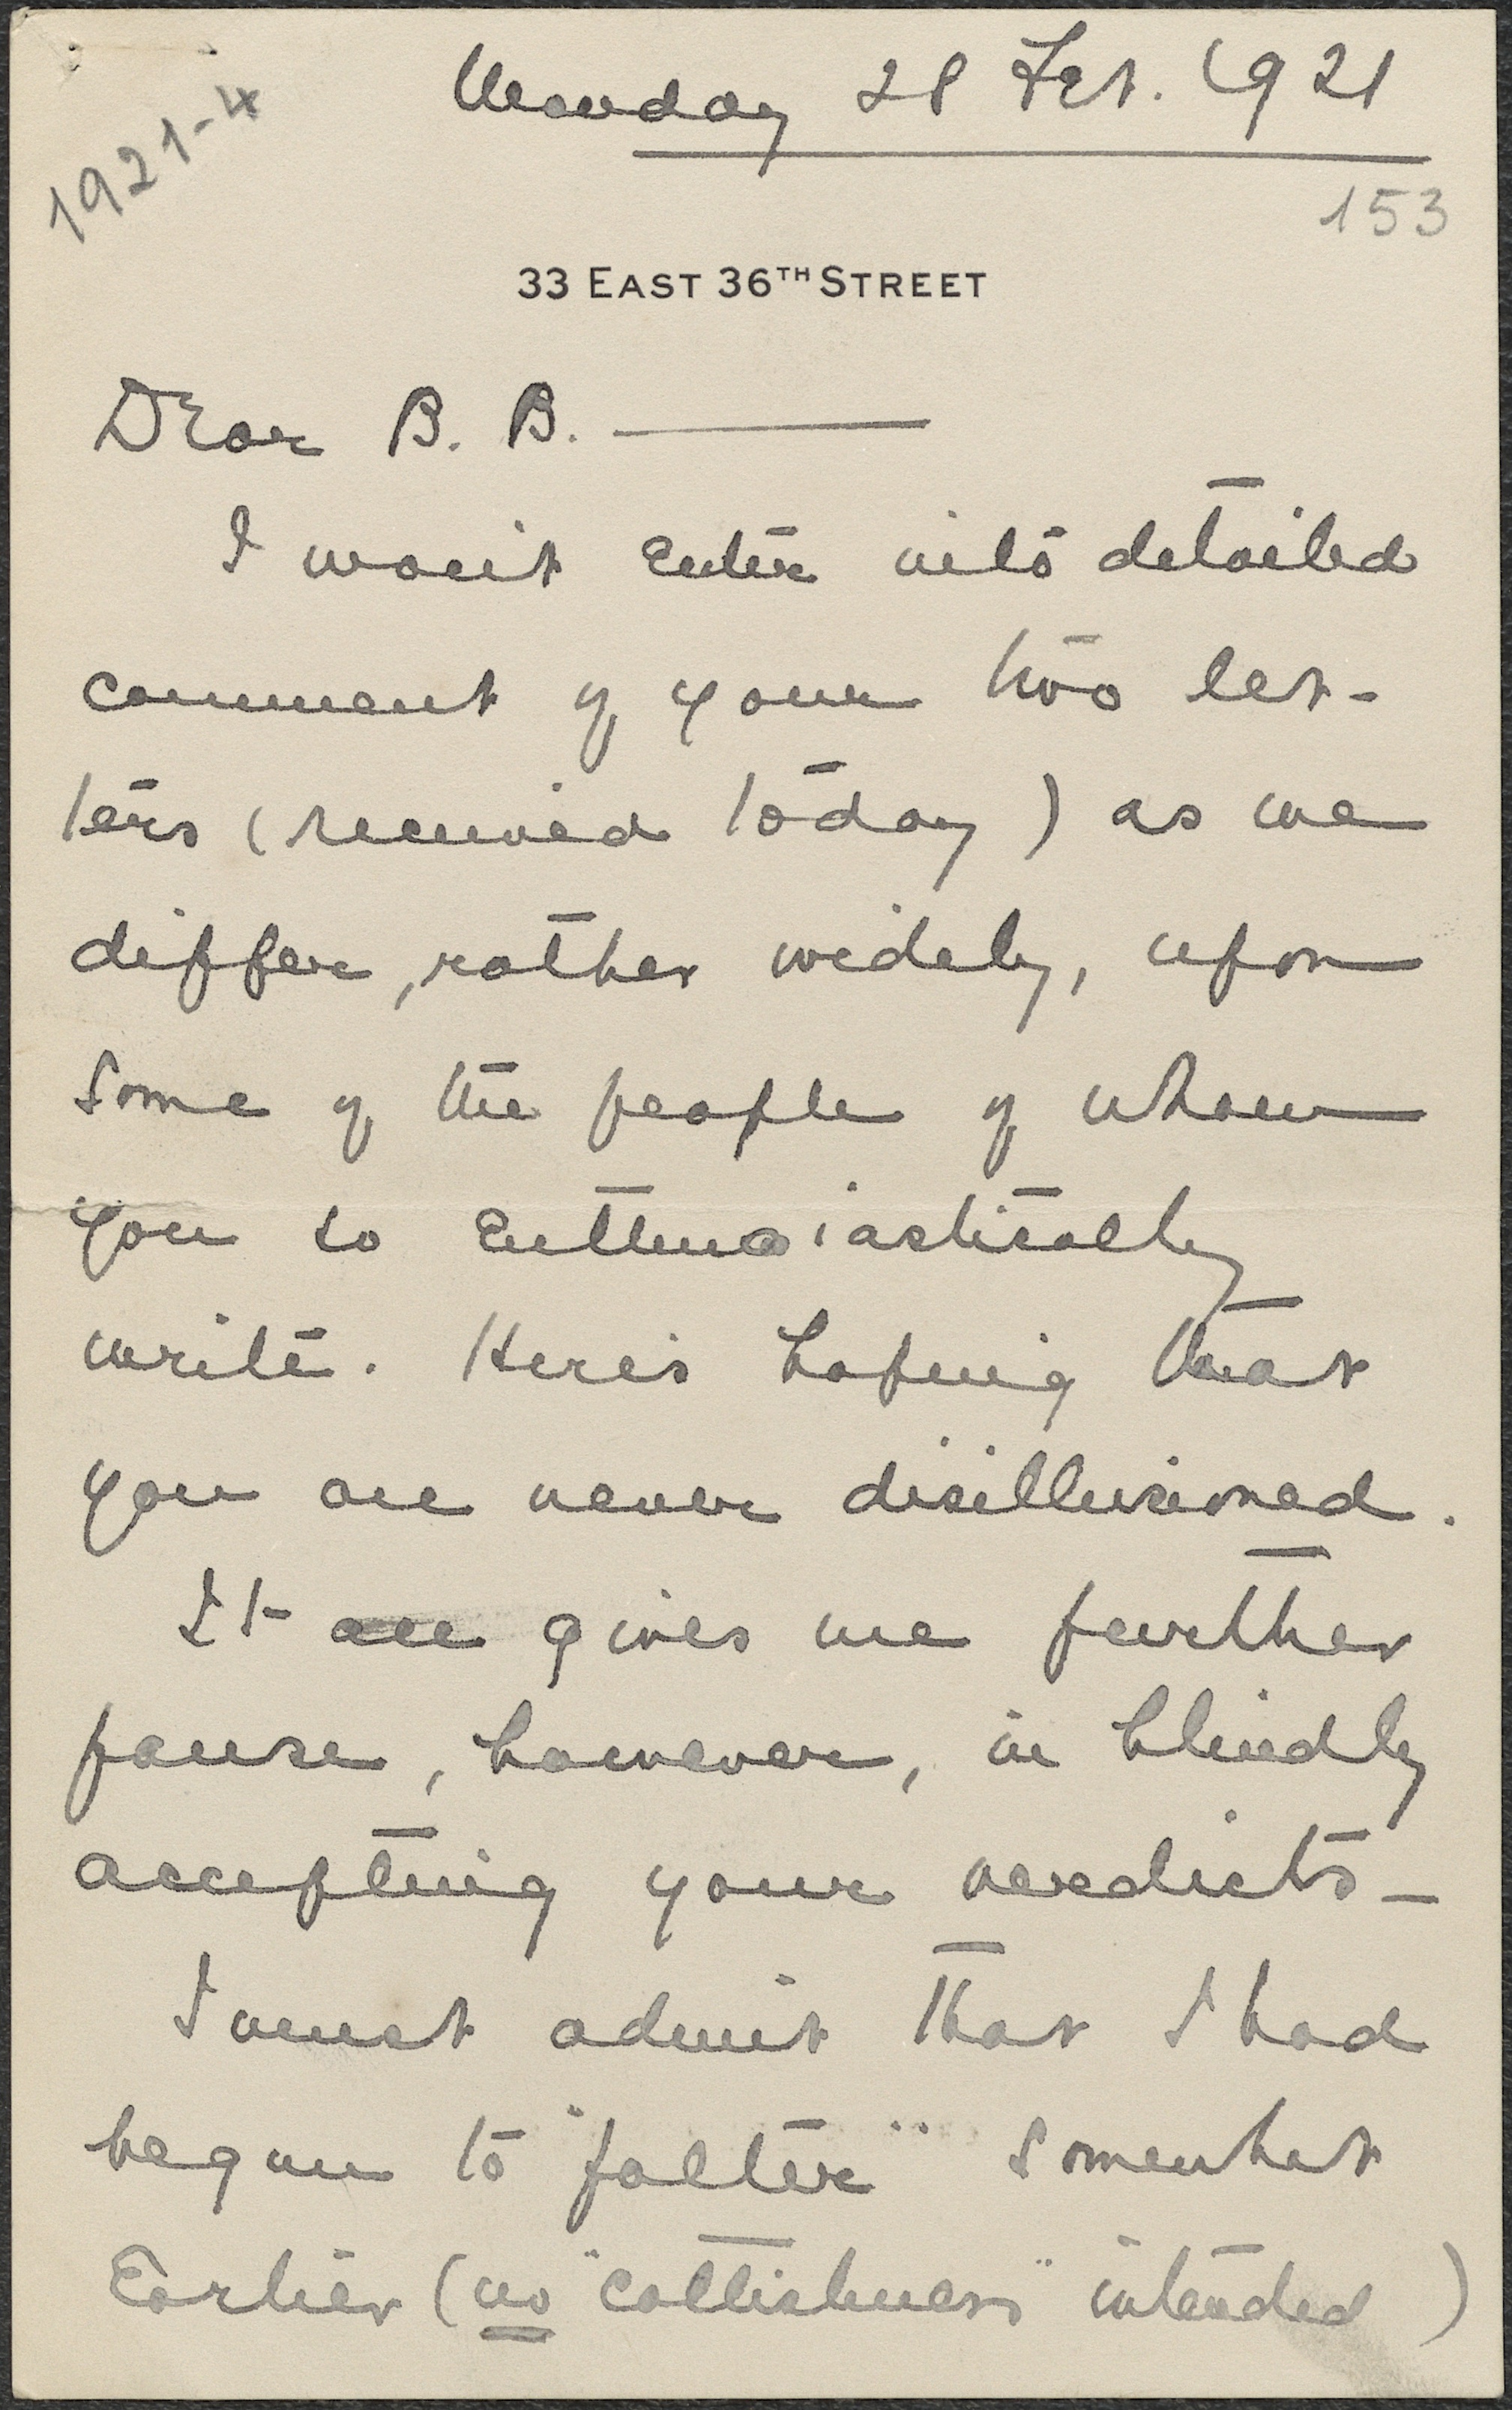Monday 28 Feb. 1921
Dear B.B. –
I won't enter into detailed comment of your two letters (received today) as we differ, rather widely, upon some of the people of whom you so enthusiastically write. Here's hoping that you are never disillusioned.
It all gives me further pause, however, in blindly accepting your verdicts –
I must admit that I had begun to "falter" somewhat earlier (no "cattishness" intended)